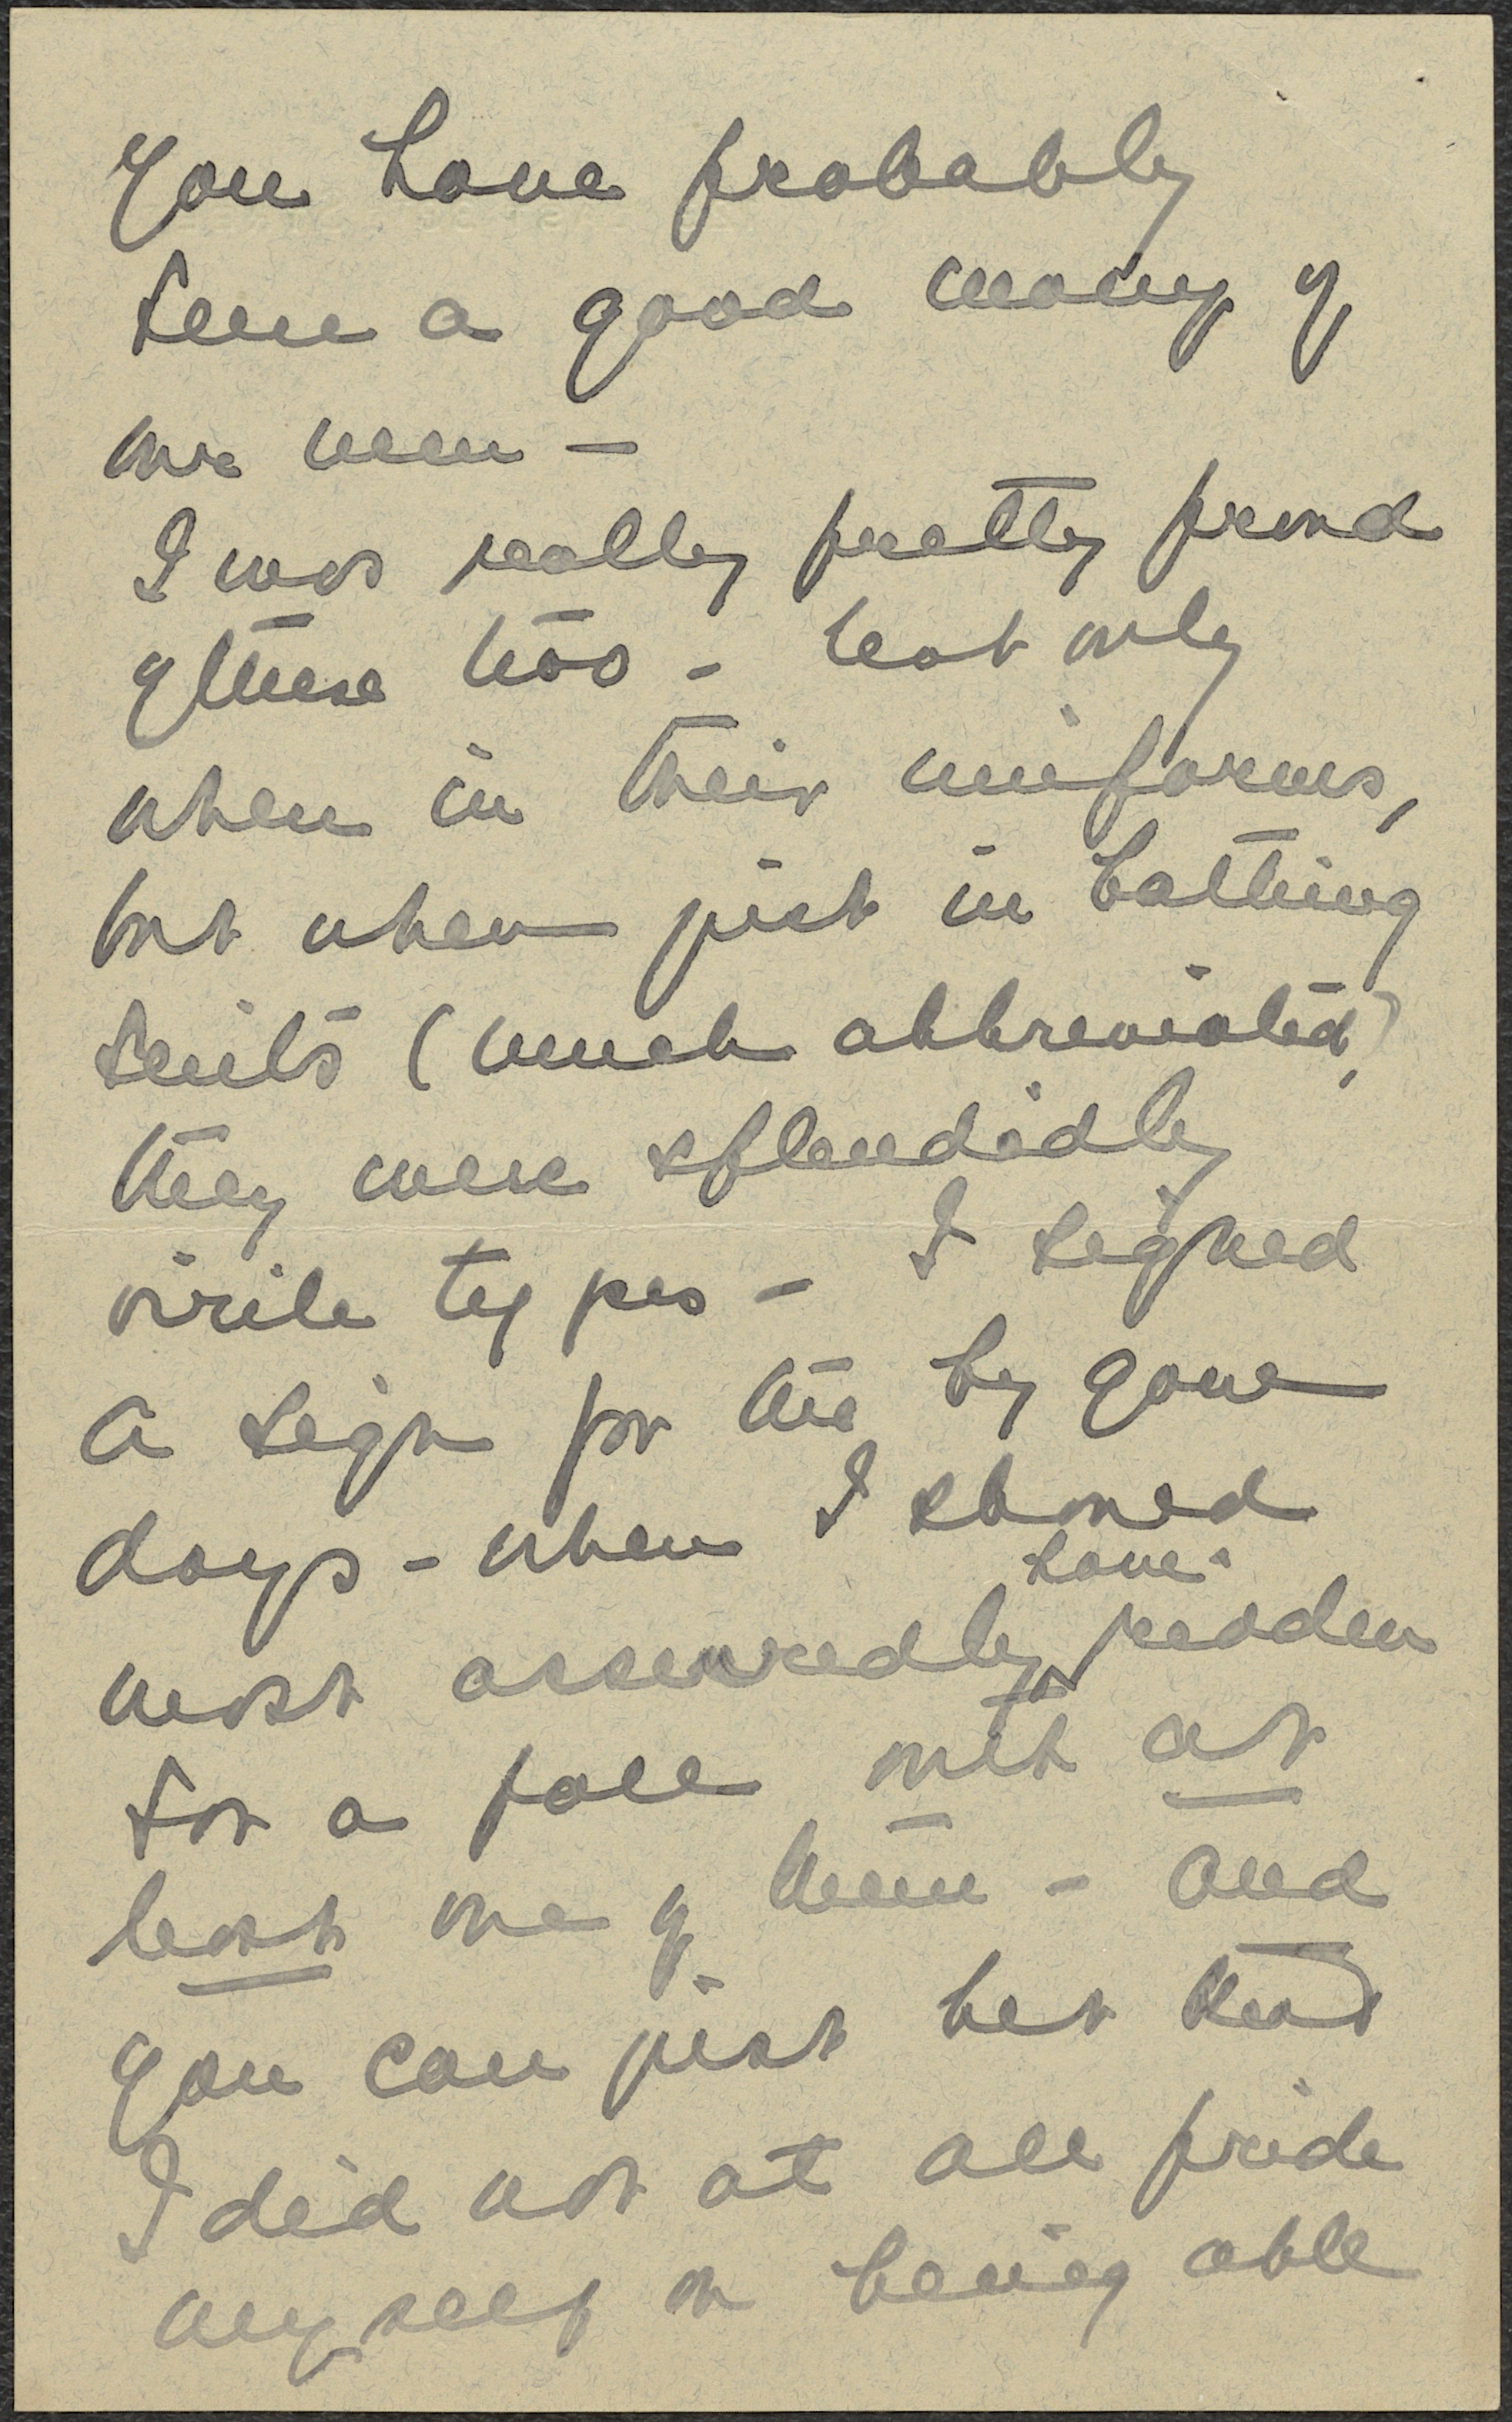you have probably seen a good many of our men –
I was really pretty proud of these two – not only when in their uniforms, but when just in bathing suits (much abbreviated) they were splendidly virile types – I sighed a sigh for the by gone days – when I should most assuredly [^have^] ridden for a fall with at least one of them – and you can just bet that I did not at all pride myself on being able